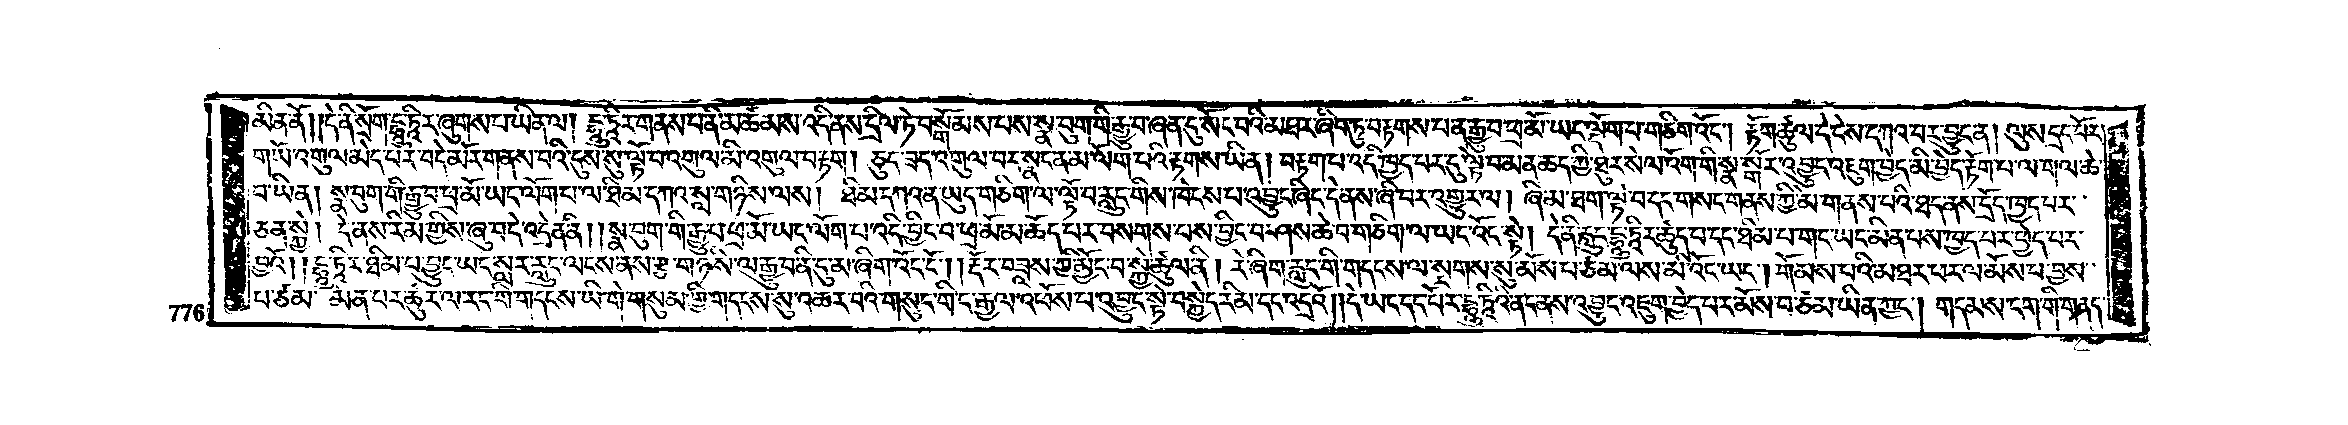མིན་ནོ། །དེ་ནི་སྲོག་དྷཱུ་ཏཱིར་ཞུགས་པ་ཡིན་ལ། དྷཱུ་ཏཱིར་གནས་པ་ནི་མཚམས་འདི་ནས་དྲིལ་ཏེ་བསྒོམས་པས་སྣ་བུག་གི་རྒྱུ་བ་ཞན་དུ་སོང་བའི་མཐར་ཞིབ་ཏུ་བརྟགས་པ་ན་རྒྱུ་བ་ཕྲ་མོ་ཡང་ལྡོག་པ་གཅིག་འོང་། རྟོག་ཚུལ་དེ་ངེས་དཀའ་བར་བྱུང་ན། ལུས་དྲང་པོར་
གཡོ་འགུལ་མེད་པར་བདེ་མོར་གནས་པའི་དུས་སུ་ལྟོ་བ་འགུལ་མི་འགུལ་བརྟག །ཅུང་ཟད་འགུལ་བར་སྣང་ན་མ་ལོག་པའི་རྟགས་ཡིན། བརྟག་པ་འདི་ཁྱད་པར་དུ་ལྟེ་བ་མན་ཆད་ཀྱི་ཐུར་སེལ་འོག་གི་སྣ་སྒོར་འབྱུང་འཇུག་བྱེད་མི་བྱེད་རྟོག་པ་ལ་གལ་ཆེ་
བ་ཡིན། སྣ་བུག་གི་རྒྱུ་བ་ཕྲ་མོ་ཡང་ལོག་པ་ལ་ཐིམ་དཀའ་སླ་གཉིས་ལས། ཐིམ་དཀའ་ན་ཡུད་གཅིག་ལ་ལྟོ་བ་རླུང་གིས་ཁེངས་པ་འབྱུང་ཞིང་དེ་ནས་ཞི་བར་འགྱུར་ལ། ཞི་མ་ཐག་ལྟེ་བ་དང་གསང་གནས་ཀྱི་མ་གནས་པའི་ཐད་ནས་དྲོད་ཁྱད་པར་
ཅན་སྐྱེ། དེ་ནས་རིམ་གྱིས་ཞུ་བད་འདྲེན་ནོ། །སྣ་བུག་གི་རྒྱུ་བ་ཕྲ་མོ་ཡང་ལོག་པ་འདི་བྱིང་བ་ཕྲ་མོ་མཆོད་པར་བསགས་པས་བྱིང་བ་ཤས་ཆེ་བ་གཅིག་ལ་ཡང་འོང་སྟེ། དེ་ནི་རླུང་དྷཱུ་ཏཱིར་ཚུད་པ་དང་ཐིམ་པ་གང་ཡང་མིན་པས་ཁྱད་པར་ཕྱེད་པར་
བྱའོ། །དྷཱུ་ཏཱིར་ཐིམ་པ་བྱུང་ཡང་སླར་རླུང་ལངས་ནས་རྩ་གཉིས་ལ་རྒྱུ་བ་ནི་དུ་མ་ཞིག་འོང་ངོ། །རྡོར་བཟླས་ཀྱི་མྱོང་བ་སྐྱེ་ཚུལ་ནི། རེ་ཞིག་རླུང་གི་གདངས་ལ་སྔགས་སུ་མོས་པ་ཙམ་ལས་མི་འོང་ཡང་། གོམས་པའི་མཐར་ཕར་ལ་མོས་པ་བྱས་
པ་ཙམ་མིན་པར་ཚུར་ལ་རང་གི་གདངས་ཡི་གེ་གསུམ་གྱི་གདངས་སུ་འཆར་བའི་གསུང་གི་ང་རྒྱལ་འཕོས་པ་འབྱུང་སྟེ་བསྐྱེད་རིམ་དང་འདྲའོ། །དེ་ཡང་དང་པོར་དྷཱུ་ཏཱིའི་ནང་ནས་འབྱུང་འཇུག་བྱེད་པར་མོས་པ་ཙམ་ཡིན་ཀྱང་། གདམས་ངག་གི་གནད་